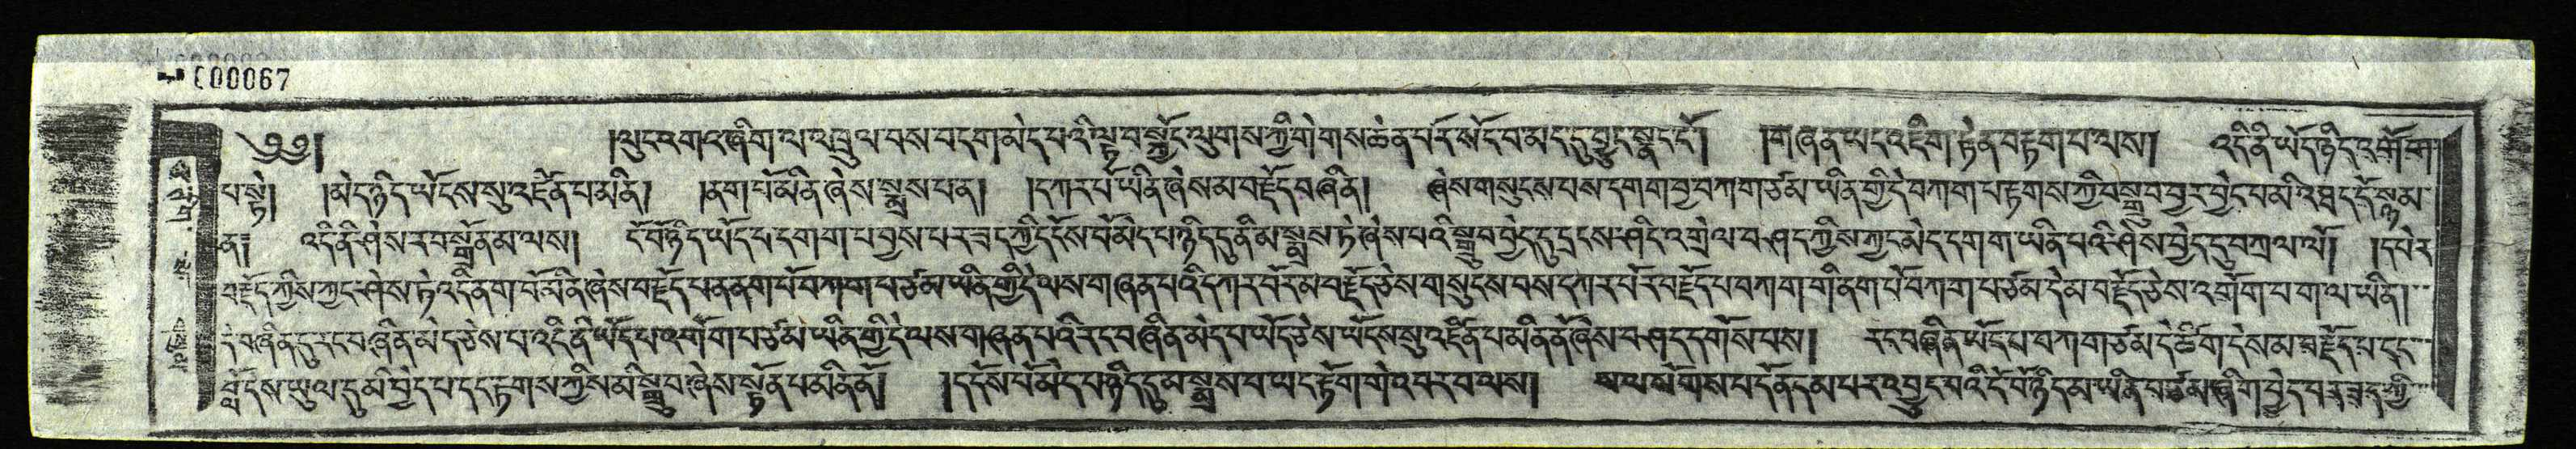༄༅། །ལུང་འགའ་ཞིག་ལ་འཁྲུལ་བས་བདག་མེད་པའི་ལྟ་བ་སྐྱོང་ལུགས་ཀྱི་གེགས་ཆེན་པོར་སོང་བ་མང་དུ་བྱུང་སྣང་ངོ། །གཞན་ཡང་འཇིག་རྟེན་བརྟག་པ་ལས། འདི་ནི་ཡོད་ཉིད་འགོག་
པ་སྟེ། །མེད་ཉིད་ཡོངས་སུ་འཛིན་པ་མིན། །ནག་པོ་མིན་ཞེས་སྨྲས་པ་ན། །དཀར་པོ་ཡིན་ཞེས་མ་བརྗོད་བཞིན། ཞེས་གསུངས་པས་དགག་བྱ་བཀག་ཙམ་ཡིན་གྱི་དེ་བཀག་པ་རྟགས་ཀྱི་བསྒྲུབ་བྱར་བྱེད་པ་མི་འཐད་དོ་སྙམ་
ན༑ འདི་ནི་ཤེས་རབ་སྒྲོན་མ་ལས། ངོ་བོ་ཉིད་ཡོད་པ་དགག་པ་བྱས་པར་ཟད་ཀྱི་དངོས་པོ་མེད་པ་ཉིད་དུ་ནི་མ་སྨྲས་ཏེ་ཞེས་པའི་སྒྲུབ་བྱེད་དུ་དྲངས་ཤིང་འགྲེལ་བཤད་ཀྱིས་ཀྱང་མེད་དགག་ཡིན་པའི་ཤེས་བྱེད་དུ་བཀྲལ་ལོ། །དཔེར་
བརྗོད་ཀྱིས་ཀྱང་ཤེས་ཏེ་འདི་ནག་པོ་མིན་ཞེས་བརྗོད་པ་ན་ནག་པོ་བཀག་པ་ཙམ་ཡིན་གྱི་དེ་ལས་གཞན་པའི་དཀར་པོར་མ་བརྗོད་ཅེས་གསུངས་པས་དཀར་པོར་བརྗོད་པ་བཀག་གི་ནག་པོ་བཀག་པ་ཙམ་དེ་མ་བརྗོད་ཅེས་འགོག་པ་ག་ལ་ཡིན།
དེ་བཞིན་དུ་རང་བཞིན་མེད་ཅེས་པ་འདི་ནི་ཡོད་པ་འགོག་པ་ཙམ་ཡིན་གྱི་དེ་ལས་གཞན་པའི་རང་བཞིན་མེད་པ་ཡོད་ཅེས་ཡོངས་སུ་འཛིན་པ་མིན་ནོ་ཞེས་བཤད་དགོས་པས། རང་བཞིན་ཡོད་པ་བཀག་ཙམ་དེ་ཚིག་དེས་མ་བརྗོད་པ་དང་
བློ་དེས་ཡུལ་དུ་མི་བྱེད་པ་དང་རྟགས་ཀྱིས་མི་སྒྲུབ་ཞེས་སྟོན་པ་མིན་ནོ། །དངོས་པོ་མེད་པ་ཉིད་དུ་མ་སྨྲས་པ་ཡང་རྟོག་གེ་འབར་བ་ལས། ས་ལ་སོགས་པ་དོན་དམ་པར་འབྱུང་བའི་ངོ་བོ་ཉིད་མ་ཡིན་པ་ཙམ་ཞིག་བྱེད་པ་ན་ཟད་ཀྱི་